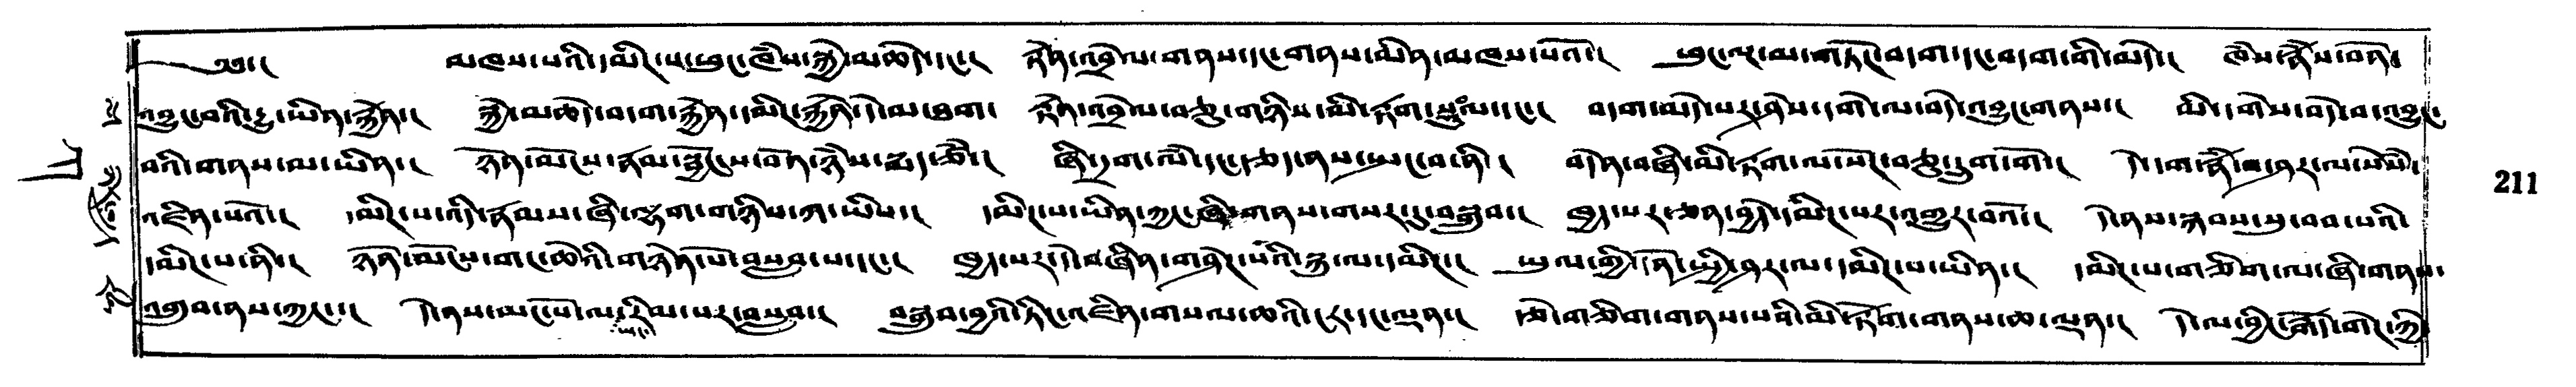མཁས་པའི་དམིགས་པ་ཕུང་ཁམས་སྐྱེ་མཆེད་དང་། །རྟེན་འབྲེལ་གནས་དང་གནས་མིན་མཁས་པའོ། །ཕུང་ལྔ་མ་གཏོགས་བདག་དང་བདག་གི་མེད།ཁམས་རྣམས་ས་བོན་
འབྱུང་བའི་རྒྱུ་ཡིན་རྐྱེན། །སྐྱེ་མཆེད་བདག་རྐྱེན་དམིགས་རྐྱེན་དེ་མ་ཐག །རྟེན་འབྲེལ་བཅུ་གཉིས་མི་རྟག་སྡུག་བསྔལ་དང་། །བདག་མེད་པར་ཤེས་དགེ་ལ་བདེ་འབྱུང་གནས། །མི་དགེ་བདེ་བ་འབྱུང་
བའི་གནས་མ་ཡིན། །ཉོན་མོངས་རྣམ་སྦྱོང་ས་བོན་ཉམས་སྨད་ཙམ། །ཞི་དྲག་ལམ་དང་རྩད་ནས་སྤང་བ་ནི། །བདེན་བཞི་མི་རྟག་ལ་སོགས་བཅུ་དྲུག་གོ །དེ་དག་རྣམ་པ་ཤར་ལ་སེམས་
འཛིན་པའོ། །དམིགས་པ་འདི་རྣམས་ཞི་ལྷག་གཉིས་ཀ་ཡིས། །དམིགས་པ་ཡིན་ཡང་ཞི་གནས་གསར་དུ་བསྒྲུབ། ཁྱད་པར་ཅན་བྱེད་དམིགས་པར་འགྱུར་བའོ། །དེ་ནས་སྐབས་སུ་བབ་པའི་
དམིགས་པ་ནི། །ཉོན་མོངས་གང་ཆེའི་གཉེན་པོ་བསླབ་པ་དང་། ཁྱད་པར་དེ་བཞིན་གཤེགས་པའི་སྐུ་ལ་དམིགས། །ཡུལ་གྱི་དོན་སྤྱི་ཤར་ལ་དམིགས་པ་ཡིན། །དམིགས་པ་གཅིག་ལ་ཞི་གནས་
འགྲུབ་ནས་ཀྱང་། །དེ་ནས་མང་པོ་ལ་ཡང་རིམ་པར་བསླབ། །བསྒྲུབ་བྱའི་ཏིང་འཛིན་གསལ་ཆའི་ངར་དང་ལྡན། །རྩེ་གཅིག་གནས་པའི་མི་རྟོག་གནས་ཆ་ལྡན། །དེ་ལ་བྱིང་རྒོད་གེགས་ཀྱི་